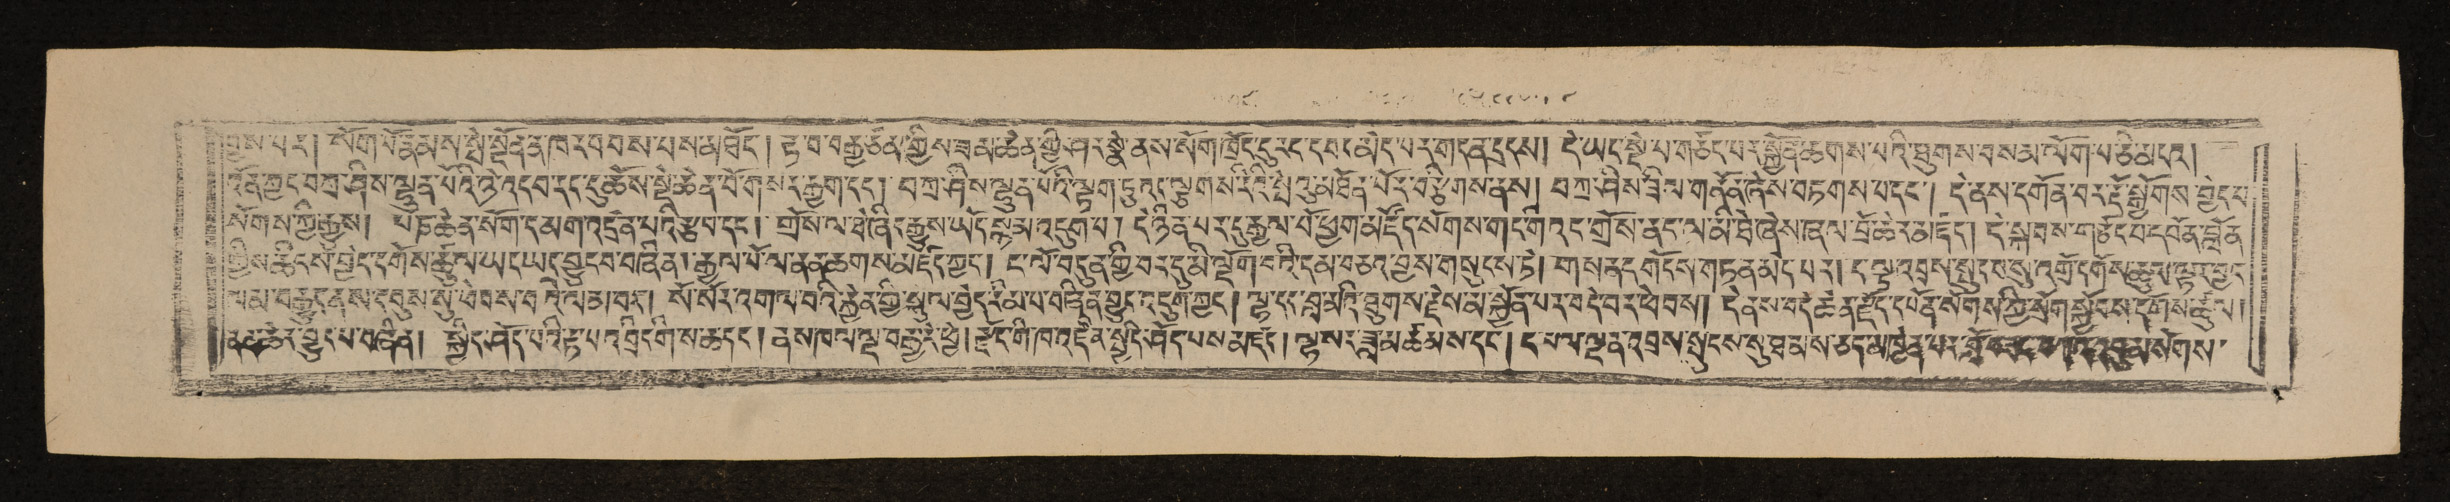བྱས་པར། སོག་པོ་རྣམས་སྦེ་སྔོན་ན་ཁར་བབས་པས་མཐོང་། རྟ་པ་བརྒྱ་ཙམ་གྱིས་ཟམ་ཆེན་གྱི་ཤར་སྣེ་ནས་སོག་ཁྲོད་དུ་རང་དབང་མེད་པར་གདན་དྲངས། དེ་ཡང་སྡེ་པ་གཙང་བར་སྐྱོན་ཆགས་པའི་ཐུགས་བསམ་ལོག་པ་ཅི་མངའ།
འོན་ཀྱང་བཀྲ་ཤིས་ལྷུན་པོའི་ཉེ་འདབ་རང་དུ་ཆོས་སྡེ་ཆེན་པོ་གསར་རྒྱག་དང་། བཀྲ་ཤིས་ལྷུན་པོའི་ལྟག་ཏུའང་ལྕགས་རིའི་སྤེའུ་མཐོན་པོར་བརྩིགས་ནས། བཀྲ་ཤིས་ཟིལ་གནོན་ཞེས་བཏགས་པ་དང་། དེ་ནས་དགོན་པར་རྡོ་སྒྱོགས་བྱེད་པ་
སོགས་ཀྱི་རྒྱུས། པཎ་ཆེན་སོག་དམག་འདྲེན་པའི་རྩ་པ་དང་། གྲོས་ལ་ཐེ་ཞིང་རྒྱུས་ཡོད་སྙམ་འདུག་པ། དེ་ཉིན་པར་དུ་རྒྱལ་པོ་ཕྱག་མཛོད་སོགས་གང་གིའང་གྲོས་ནང་ལ་མི་ཐེ་ཞེས་ཞལ་བྲོ་ཆེར་མཛད། དེ་སྐབས་གཙང་པ་དཔོན་བློན་
གྱིས་ཆིངས་བྱེད་དགོས་ཚུལ་ཡང་ཡང་བྱུང་བ་བཞིན། རྒྱལ་པོ་ལ་ནན་ཆགས་མཛད་ཀྱང་། ང་ལོ་བདུན་གྱི་བར་དུ་མི་ལྡོག་པའི་དམ་བཅའ་བྱས་གསུངས་ཏེ། གསན་དགོངས་གཏན་མེད་པར། ད་ལྟ་འབྲས་སྤུངས་སུ་འགྲོ་དགོས་ཚུལ་ལྟར་བྱང་
ལམ་བརྒྱུད་ནས་དབུས་སུ་ཕེབས་པའི་ལམ་པར། སོ་སོར་འགལ་བའི་རྐྱེན་གྱི་སྐུ་ལ་བྱེད་རིམ་པ་བཞིན་བྱུང་འདུག་ཀྱང་། ལྷ་དང་བླ་མའི་ཐུགས་རྗེས་མ་སྐྱོན་པར་བདེ་བར་ཕེབས། དེ་ནས་བདེ་ཆེན་རྫོང་དཔོན་སོགས་ཀྱི་སྲོག་སྐྱོབས་དགོས་ཚུལ་
ནན་ཆེར་བྱུང་བ་བཞིན། སྐྱིད་ཤོད་པའི་རྟ་པ་འབྲིང་གིས་ཆ་དང་། ནས་ཁལ་ལྔ་བརྒྱ་རེ་ཕྱེ། རྫོང་གི་ཁ་འཛིན་སྐྱིད་ཤོད་པས་མཛད། ལྷ་སར་ཟླ་མཚམས་དང་། དཔལ་ལྡན་འབྲས་སྤུངས་སུ་ཐམས་ཅད་མཁྱེན་པར་བློ་བཟང་བཀའ་འབུམ་སོགས་